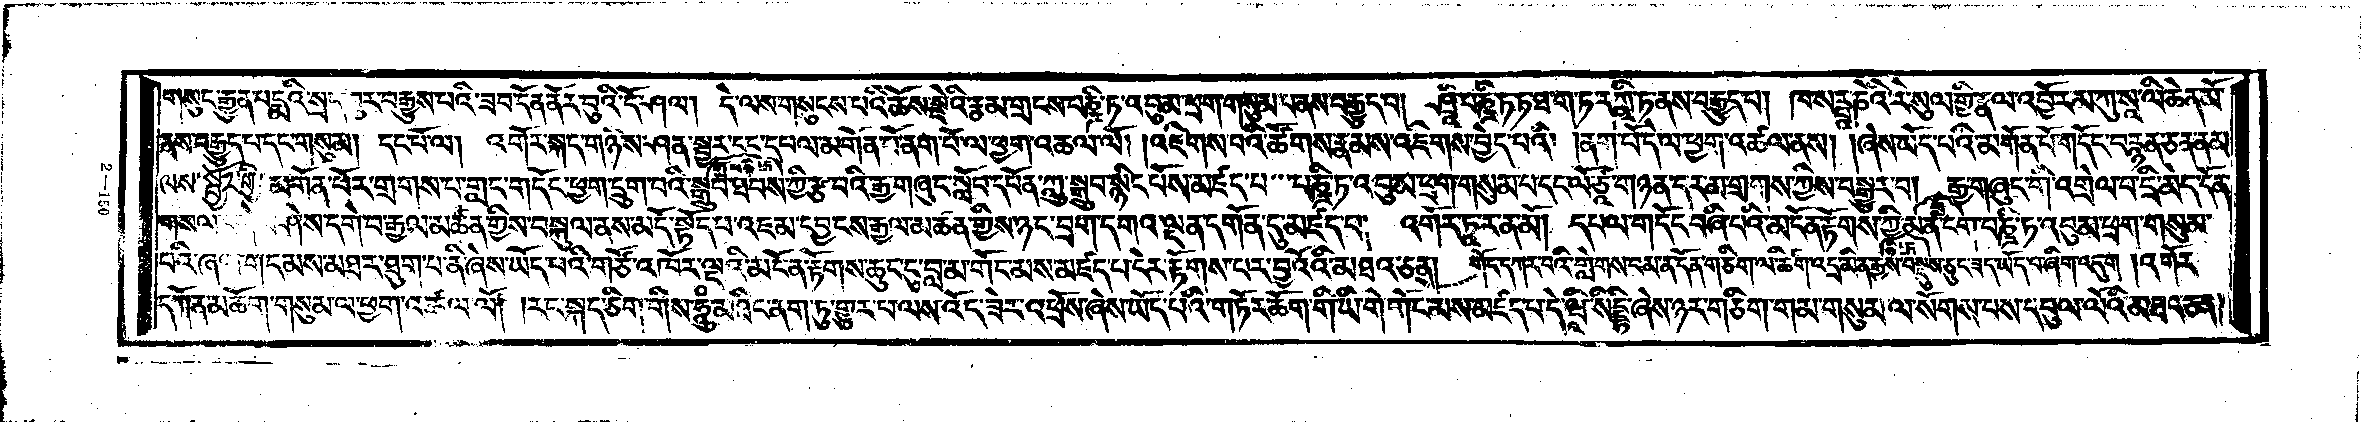གསུང་རྒྱུན་པདམའི་སྲད་བུར་བརྒྱུས་པའི་ཟབ་དོན་ནོར་བུའི་དོ་ཤལ། དེ་ལས་གསུངས་པའི་ཆོས་སྡེའི་རྩམ་གྲངས་པཎྜི་ཏ་འབུམ་ཕྲག་གསུམ་པ་ནས་བརྒྱུད་བ། ཤྲཱི་པཎྜི་ཏ་ཏ་ཐག་ཏར་རཀྵི་ཏ་ནས་བརྒྱུད་པ། ཁས་རྷཱ་ཎེའི་རེ་སུལ་གྱི་རྣལ་འབྱོར་མ་ཀུ་སཱ་ལེ་ཆེན་མོ་
ནས་བརྒྱུད་པ་དང་གསུམ། དང་པོ་ལ། འགོར་སྐད་གཉིས་ཤན་སྦྱར་དང་དཔལ་མགོན་པོ་ནག་པོ་ལ་ཕྱག་འཆལ་ལོ། །འཇིགས་བའི་ཚོགས་རྣམས་འཇིགས་བྱེད་པའི། །ནག་པོ་དེ་ལ་ཕྱག་འཚལ་ནས། །ཞེས་ཡོད་པའི་མགོན་པོ་གདོང་བརྙན་ཅན་ནམ་
ལས་སྦྱོར་གྱི་མགོན་པོར་གྲགས་པ་གླང་གདོང་ཕྱག་དྲུག་པའི་སྒྲུབ་ཐབས་ཀྱི་རྩ་བའི་རྒྱ་གཞུང་སློབ་དཔོན་ཀླུ་སྒྲུབ་སྙིང་པོས་མཛད་པ་པཎྜི་ཏ་འབུམ་ཕྲག་གསུམ་པ་དང་ལོ་ཙཱ་གཉན་དར་མ་གྲགས་ཀྱིས་བསྒྱུར་བ། རྒྱ་གཞུང་གི་འགྲེལ་བ་དྲི་མེད་དོན་
གསལ་དགེ་བཤེས་དགེ་བ་རྒྱལ་མཚན་གྱིས་བསྐུལ་ནས་མདོ་སྟོད་པ་འཇམ་དབྱངས་རྒྱལ་མཚན་གྱིས་ཉད་བྲག་དགའ་ལྡན་དགོན་དུ་མཛད་པ། འགོར་ཏཱ་ར་ན་མོ། དཔལ་གདོང་བཞི་པའི་མངོན་རྟོགས་ཀྱི་མན་ངག་པཎྜི་ཏ་འབུམ་ཕྲག་གསུམ་
པའི་ཞལ་གདམས་མཐའ་ཐུག་པ་ནི་ཞེས་ཡོད་པའི་གཙོ་འཁོར་ལྔའི་མངོན་རྟོགས་ཆུང་ངུ་བླ་མ་གོང་མས་མཛད་པ་དེར་རྟོགས་པར་བྱའོའི་མཐའ་ཅན། གོང་དཀར་བའི་གླེགས་བམ་ན་དོན་གཅིག་ལ་ཚིག་འདྲ་མིན་རྒྱས་བསྡུས་ཅུང་ཟད་ཡོད་བ་ཞིག་འདུག་།འགོར་
དཀོན་མཆོག་གསུམ་ལ་ཕྱག་འཚལ་ལོ། །རང་སྐད་ཅིག་གིས་ཧཱུཾ་མཐིང་ནག་ཏུ་གྱུར་པ་ལས་འོད་ཟེར་འཕྲོས་ཞེས་ཡོད་པའི་གཏོར་ཆོག་གི་ཡི་གེ་གོང་མས་མཛད་པ་དེ་ཝཱི་སིདྡྷི་ཞེས་ཉར་གཅིག་གམ་གསུམ་ལ་སོགས་པས་དབུལ་ལོའི་མཐའ་ཅན་